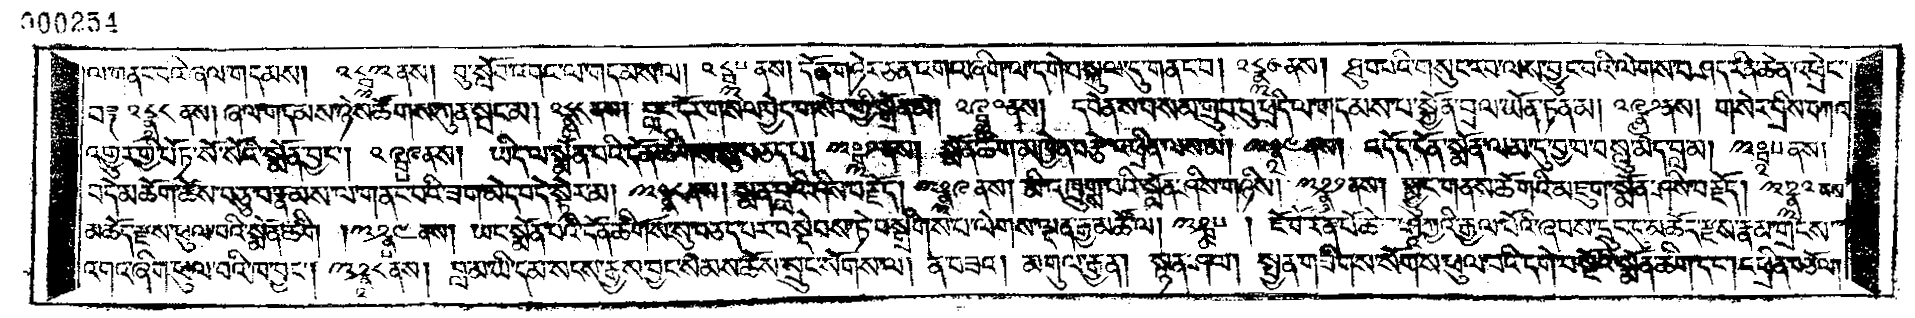ལ་གནང་བའི་ཞལ་གདམས། ༢༨༣བ༣་ནས། བུ་སློབ་འགའ་ལ་གདམས་ལ། ༢༨༥བ༣་ནས། དོན་གཉེར་ཅན་འགའ་ཞིག་ལ་དགེ་བསྐུལ་དུ་གནང་བ། ༢༨༦ན༣་ནས། ཐུབ་པའི་གསུང་རབ་ལས་བྱུང་བའི་ལེགས་བཤད་རིན་ཆེན་འཕྲེང་
བ༑ ༢༨༨ན༡་ནས། ཞལ་གདམས་ཉེས་ཚོགས་ཀུན་སྤང་མ། ༢༨༨ན༦་ནས། བླང་དོར་གསལ་བྱེད་གསེར་གྱི་སྒྲོན་མེ། ༢༩༠བ༣་ནས། དབེན་ས་བསམ་གྲུབ་བུ་ཕྲིད་ལ་གདམས་པ་སྐྱོན་བྲལ་ཡོན་ཏན་མ། ༢༩༡ན༤་ནས། གསེར་བྲིས་བཀའ་
འགྱུར་གྱི་པོཏ་སོ་སོའི་སྨོན་བྱབ། ༢༩༩བ༥་ནས། ཡིད་ལ་སྨོན་པའི་དོན་ཚིགས་སུ་བཅད་པ། ༣༠༡བ༣་ནས། སྨོན་ཚིག་མཁྱེན་བརྩེ་འཕྲིན་ལས་མ། ༣༠༤ན༢་ནས། འདོད་དོན་སྨོན་ལམ་དུ་བྱ་བ་བསླུ་མེད་བླ་མ། ༣༠༥བ༢་ནས།
བདེ་མཆོག་ཚེས་བཅུ་བ་རྣམས་ལ་གནང་བའི་ཟག་མེད་བདེ་སྟེར་མ། ༣༠༨ན༡་ནས། སྨན་བླའི་ཤིས་བརྗོད། ༣༠༩ན༣་ནས། མི་འཁྲུགས་པའི་སྨོན་ཤིས་གཉིས། ༣༡༡ན༡་ནས། སྨྱུང་གནས་ཆོ་གའི་མཇུག་སྨོན་ཤིས་བརྗོད། ༣༡༢ན༣་ནས་
མཆོད་རྫས་ཕུལ་བའི་སྨོན་ཚིག །༣༡༤ན༥་ནས། ཡང་སྨོན་པའི་དོན་ཚིགས་སུ་བཅད་པར་བསྡེབས་ཏེ་བསྒྲིགས་པ་ལེགས་ལྡན་རྒྱ་མཚོ་ལ། ༣༡༥བ༦་།ཇོ་བོ་རིན་པོ་ཆེ་ཤཱཀྱའི་རྒྱལ་པོའི་ཞབས་དྲུང་དུ་མཆོད་རྫས་རྣམ་གྲངས་
འགའ་ཞིག་ཕུལ་བའི་ཁ་བྱང་། ༣༡༨ན༢་ནས། བླ་མ་ཡི་དམ་སངས་རྒྱས་བྱང་སེམས་ཆོས་སྲུང་སོགས་ལ། ན་བཟའ། མགུལ་རྒྱན། སྙན་ཤལ། སྤྱན་གཟིགས་སོགས་ཕུལ་བའི་དགེ་བསྔོའི་སྨོན་ཚིག་དང་། འཕྲིན་བཅོལ།